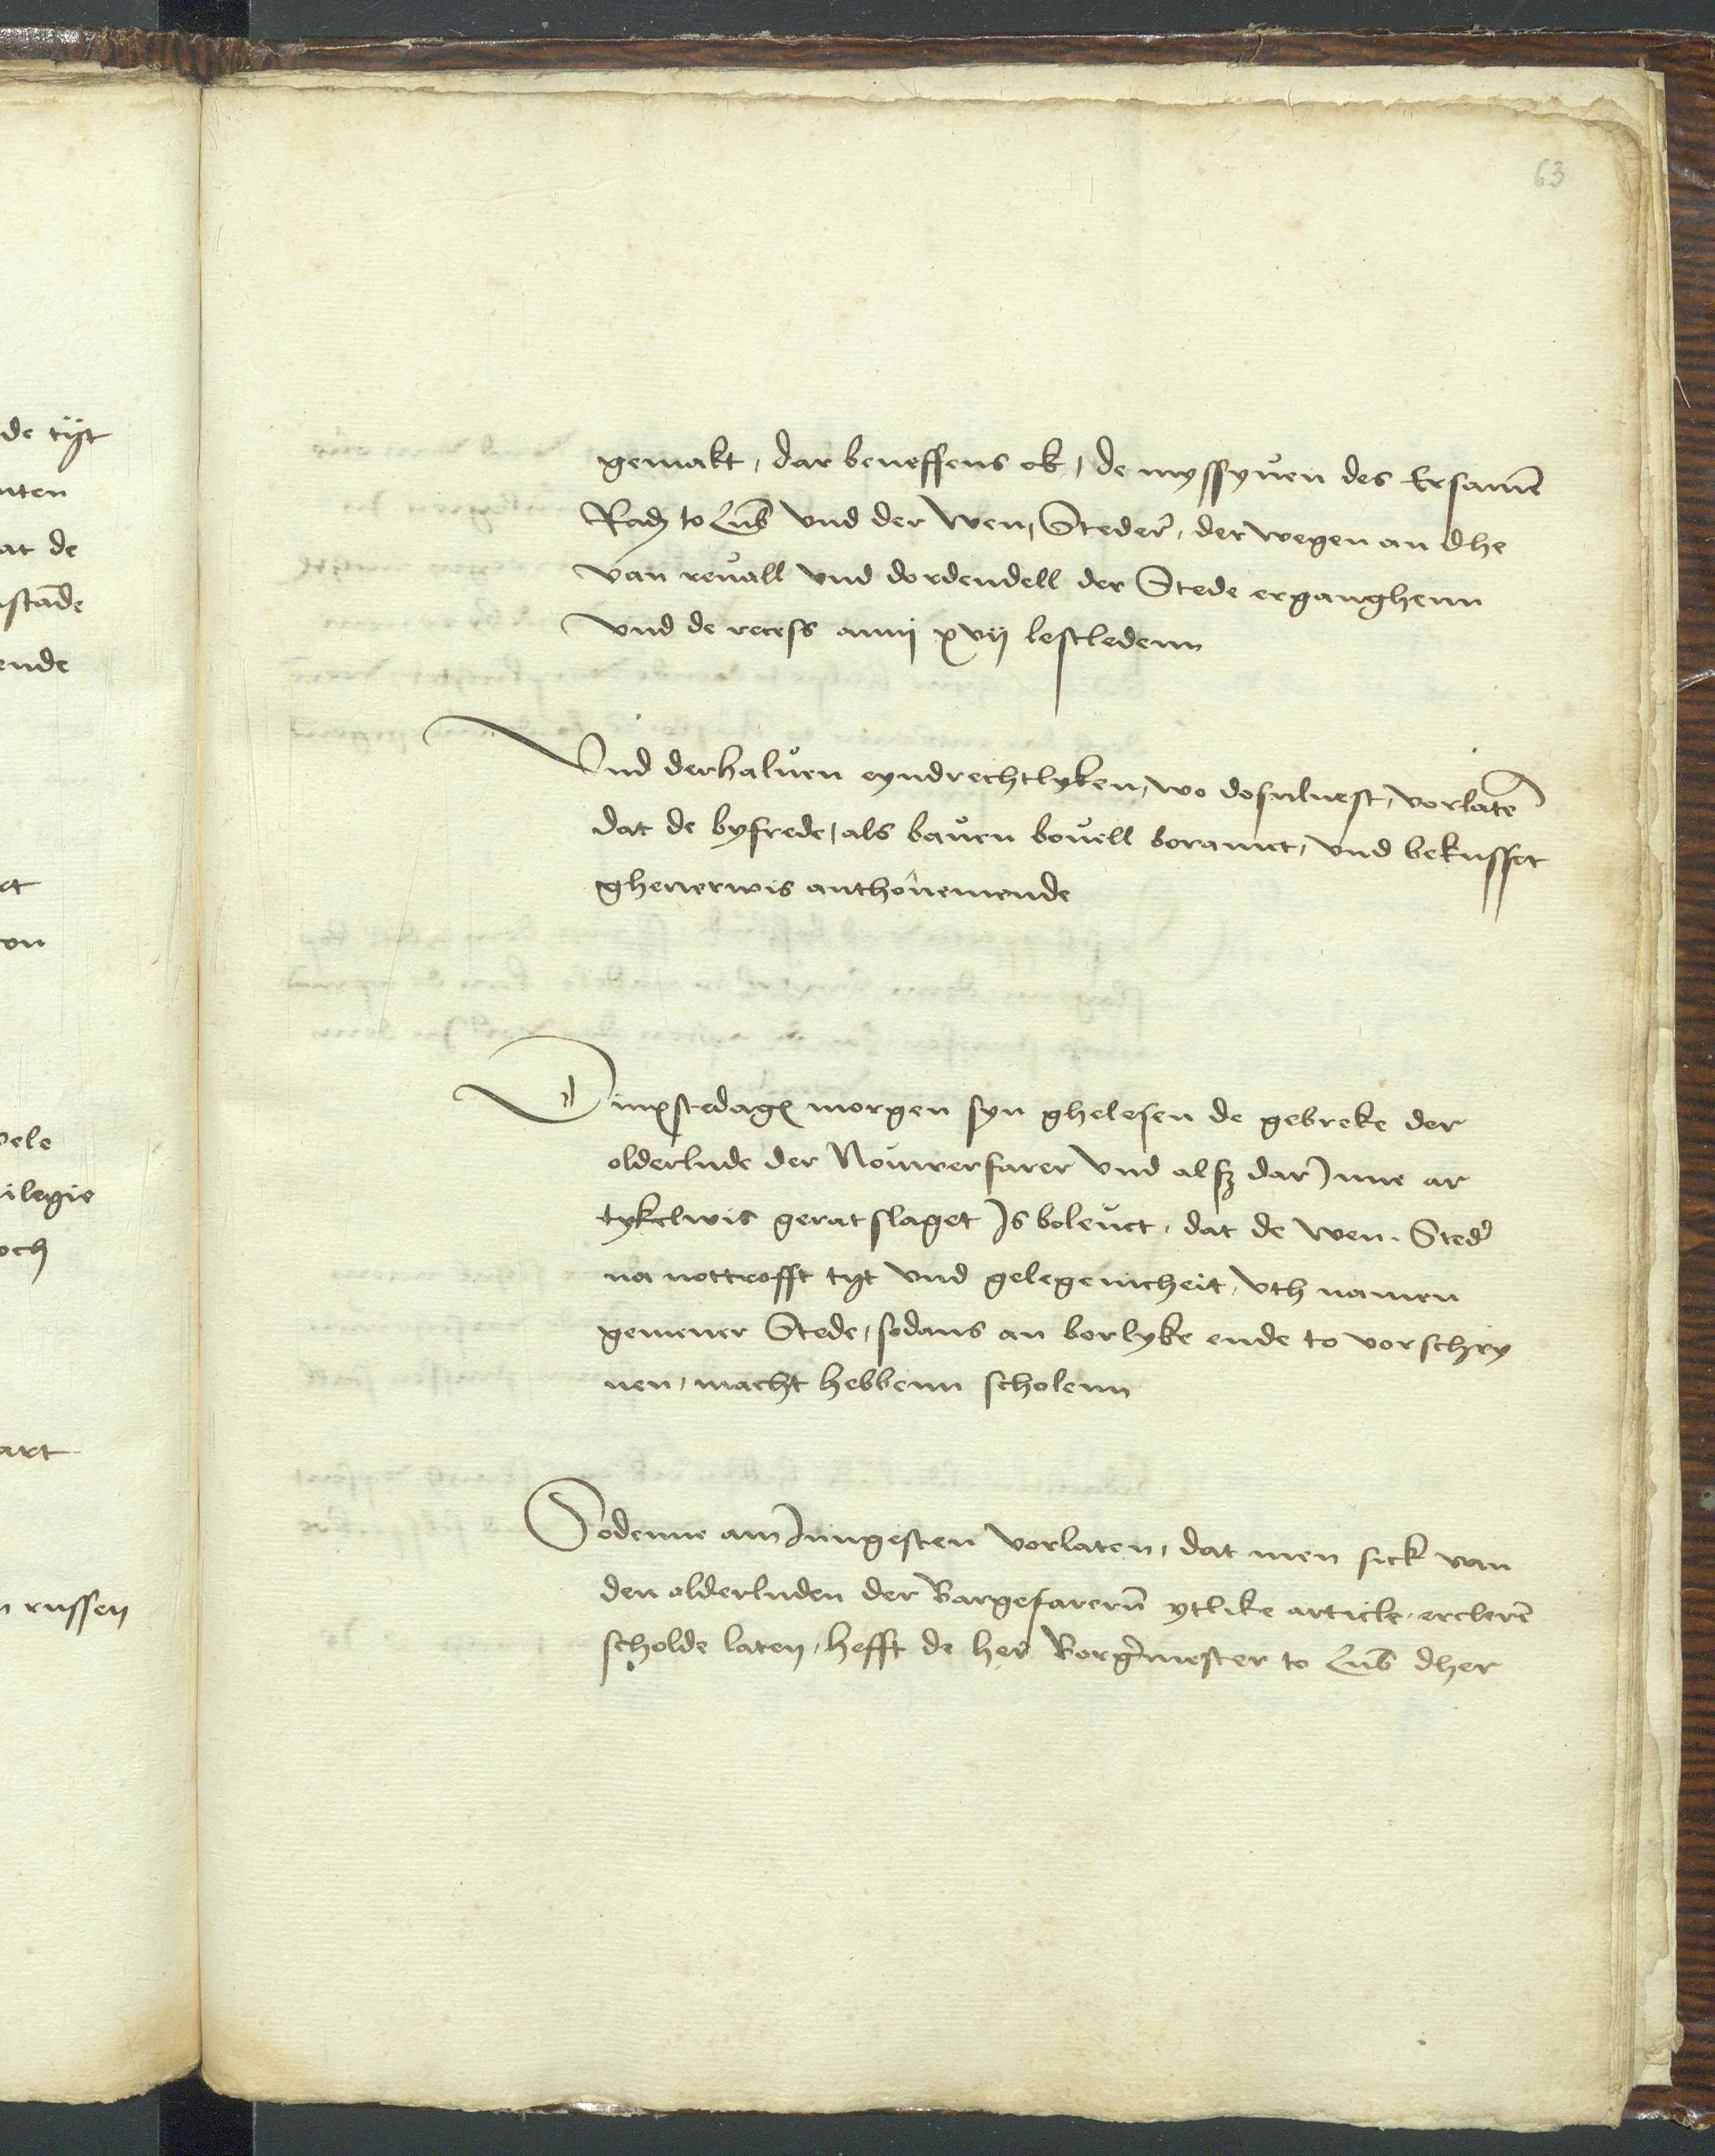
gemakt, dar beneffens ok, de missyuen des Ersamen
Rades to Lubeck vnd der wen, Steder, derwegen an dhe
van reuall vnd dordendell der Stede erganghenn
vnd de recesss annj xvij lestledenn
Vnd derhaluen eyndrechtlyken, wo dosuluest, vorlaten
dat de bysprake, als bauen bouell boramet, vnd bekusset
ghenerwis anthonemende
Dinxstdage morgen syn ghelesen de gebreke der
olderlude der Nouwerfarer vnd alsz dar Jnne ar¬
tykelwis geratslaget Js boleuet dat de wen. Steder
na nottrofft tyt vnd gelegenicheit, vth namen
gemener Stede, sodans an borlyke ende to vorschry¬
uen, macht hebben scholenn
Sodenne am Jungesten vorlaten, dat men sick van
den olderluden der Bargefarernn ytlike article ercleren
scholde laten, hefft de her Borgermester to Lubeck dher¬
